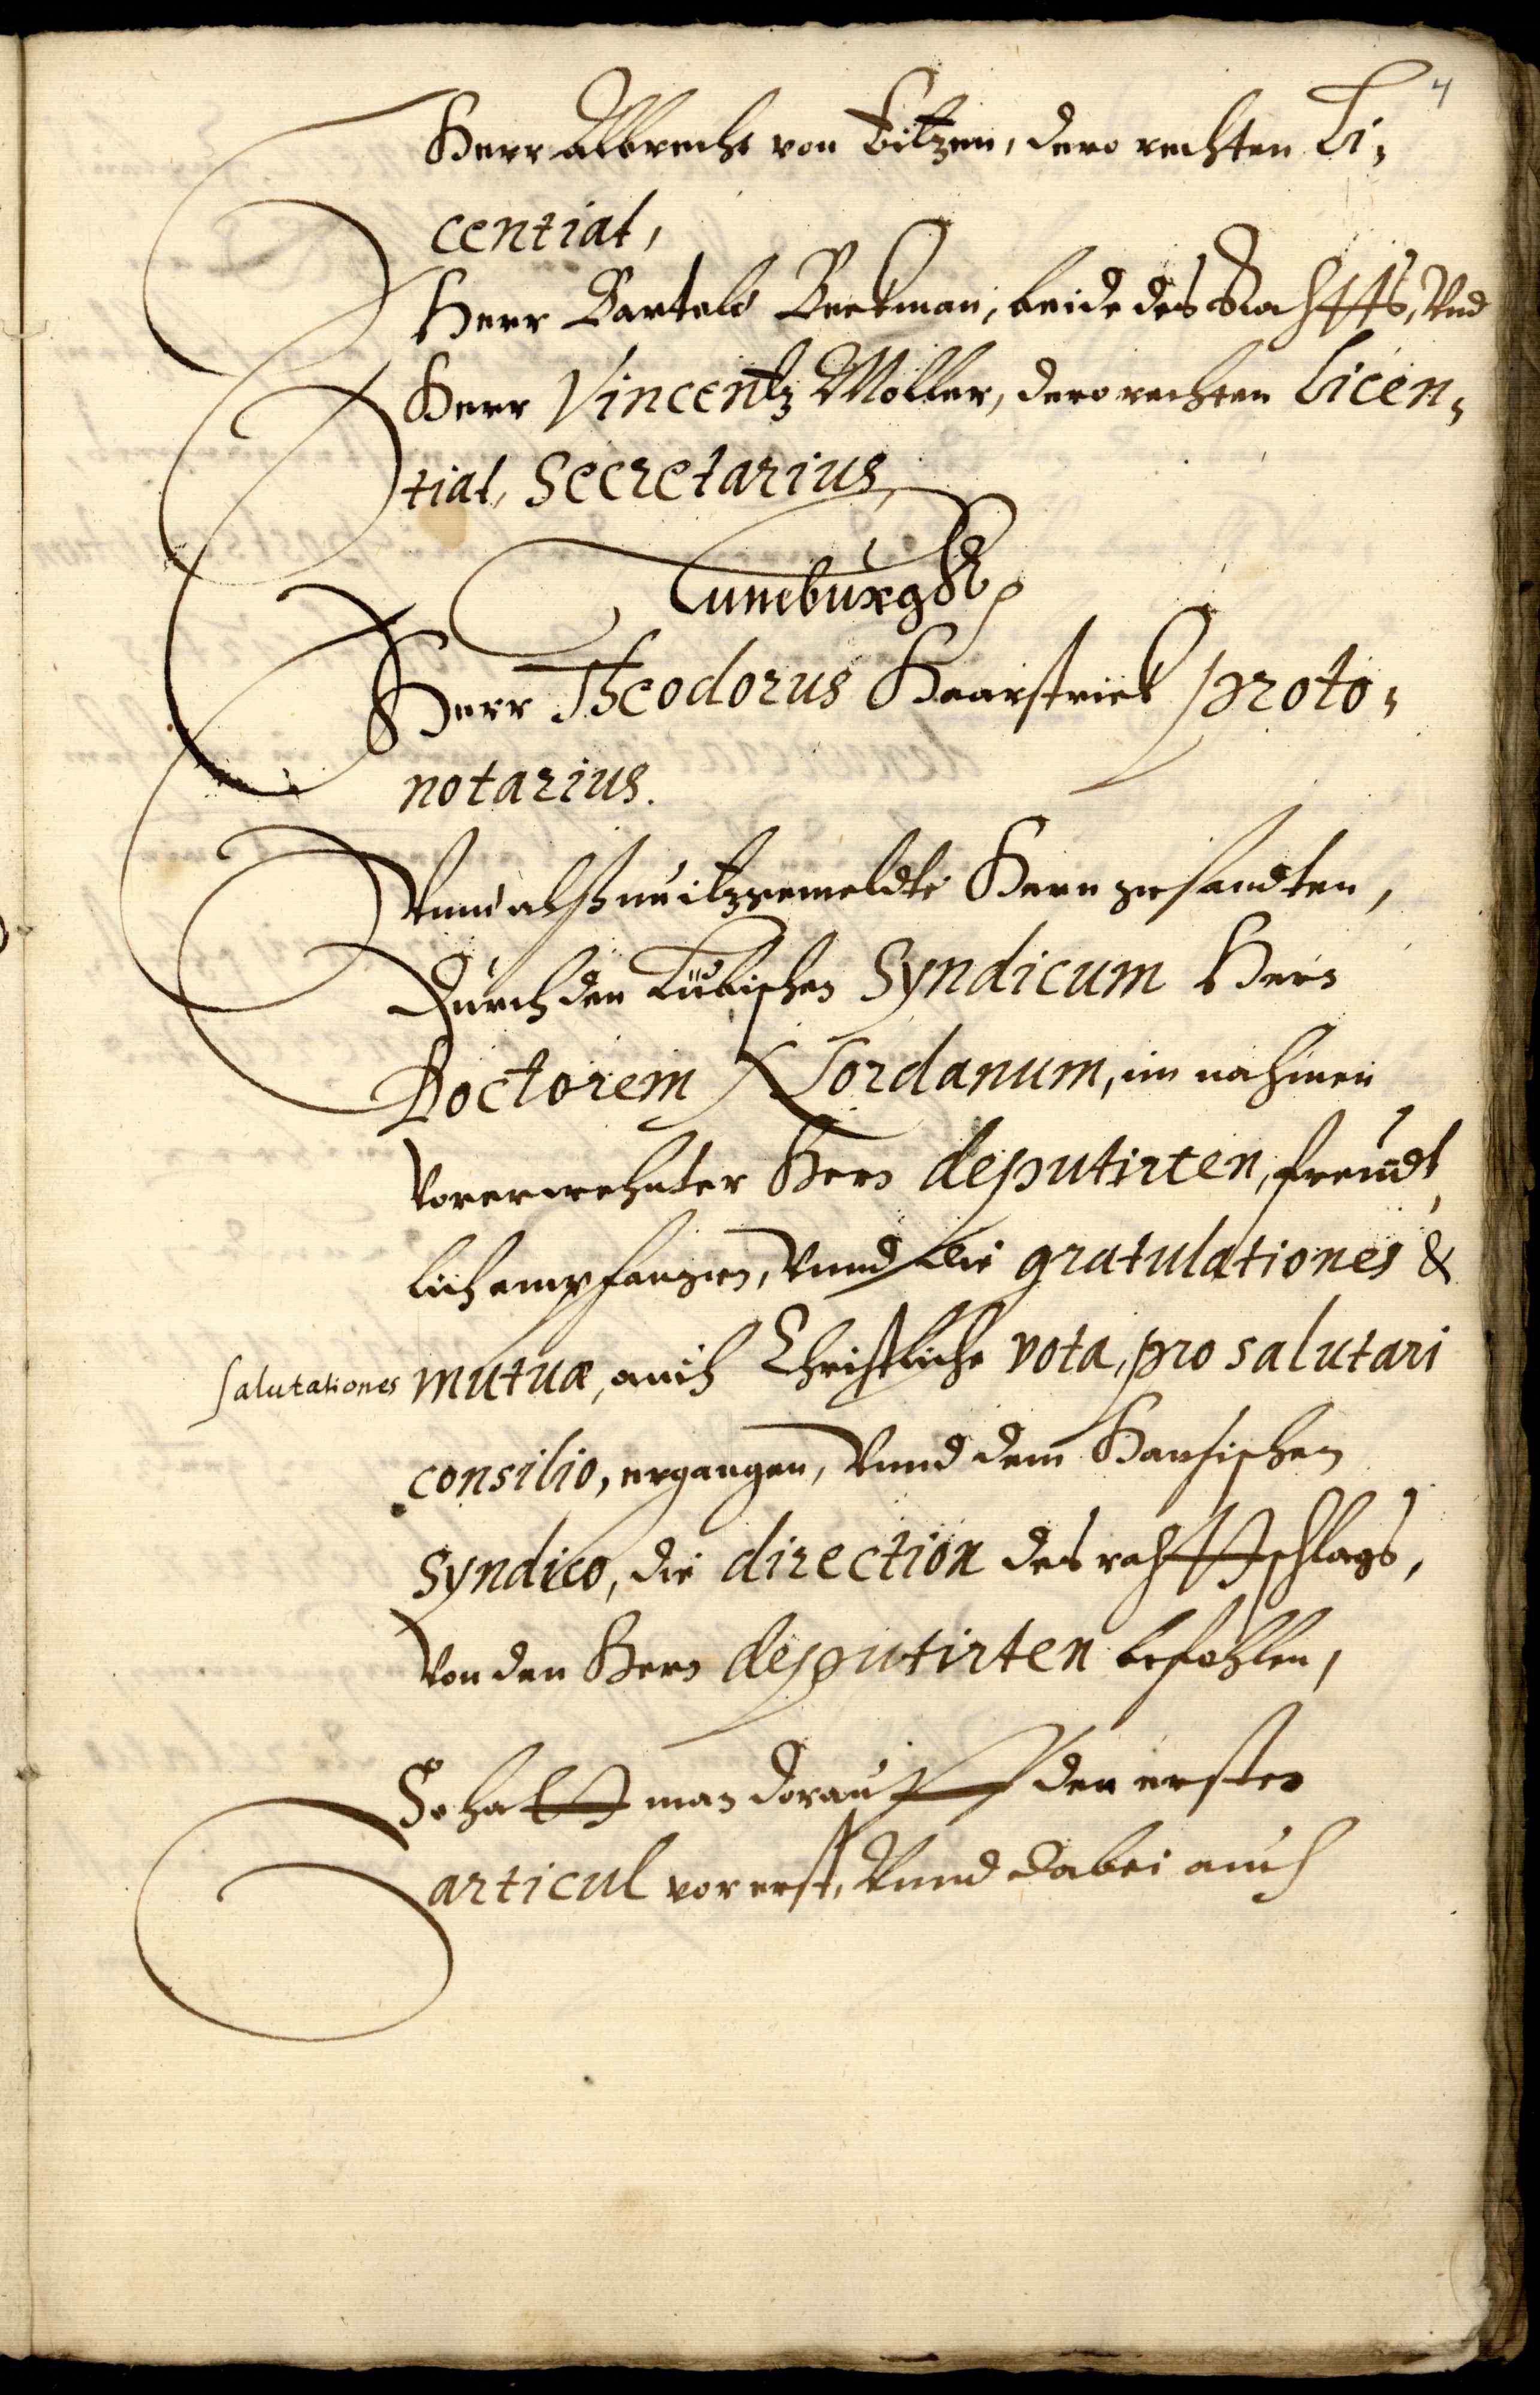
salutationes
Herr Albrecht von Eitzen, dero rechten Li¬
centiat,
Herr Barteld Beckman, beide des Rahtts, Vnd
Herr Vincentz Moller, dero rechten Licen¬
tiat, Secretarius,
Luneburgh p,
Herr Theodorus Haarstrick proto¬
notarius.
Vnnd alß nu itzgemeldte Hern gesandten,
durch den Lübischen Syndicum Hern
Doctorem Nordanum, im nahmen
Vorerwehnter Hern deputirten, freundt¬
lich empfangen, Vnnd die gratulationes &
mutuae auch Christliche vota pro salutari
consilio, ergangen, Vnnd dem Hansischen
Syndico, die direction des rahttschlags,
Von den Hern Deputierten befohlen,
So hatt man darauf den ersten
articul vorerst, Vnnd dabei auch
